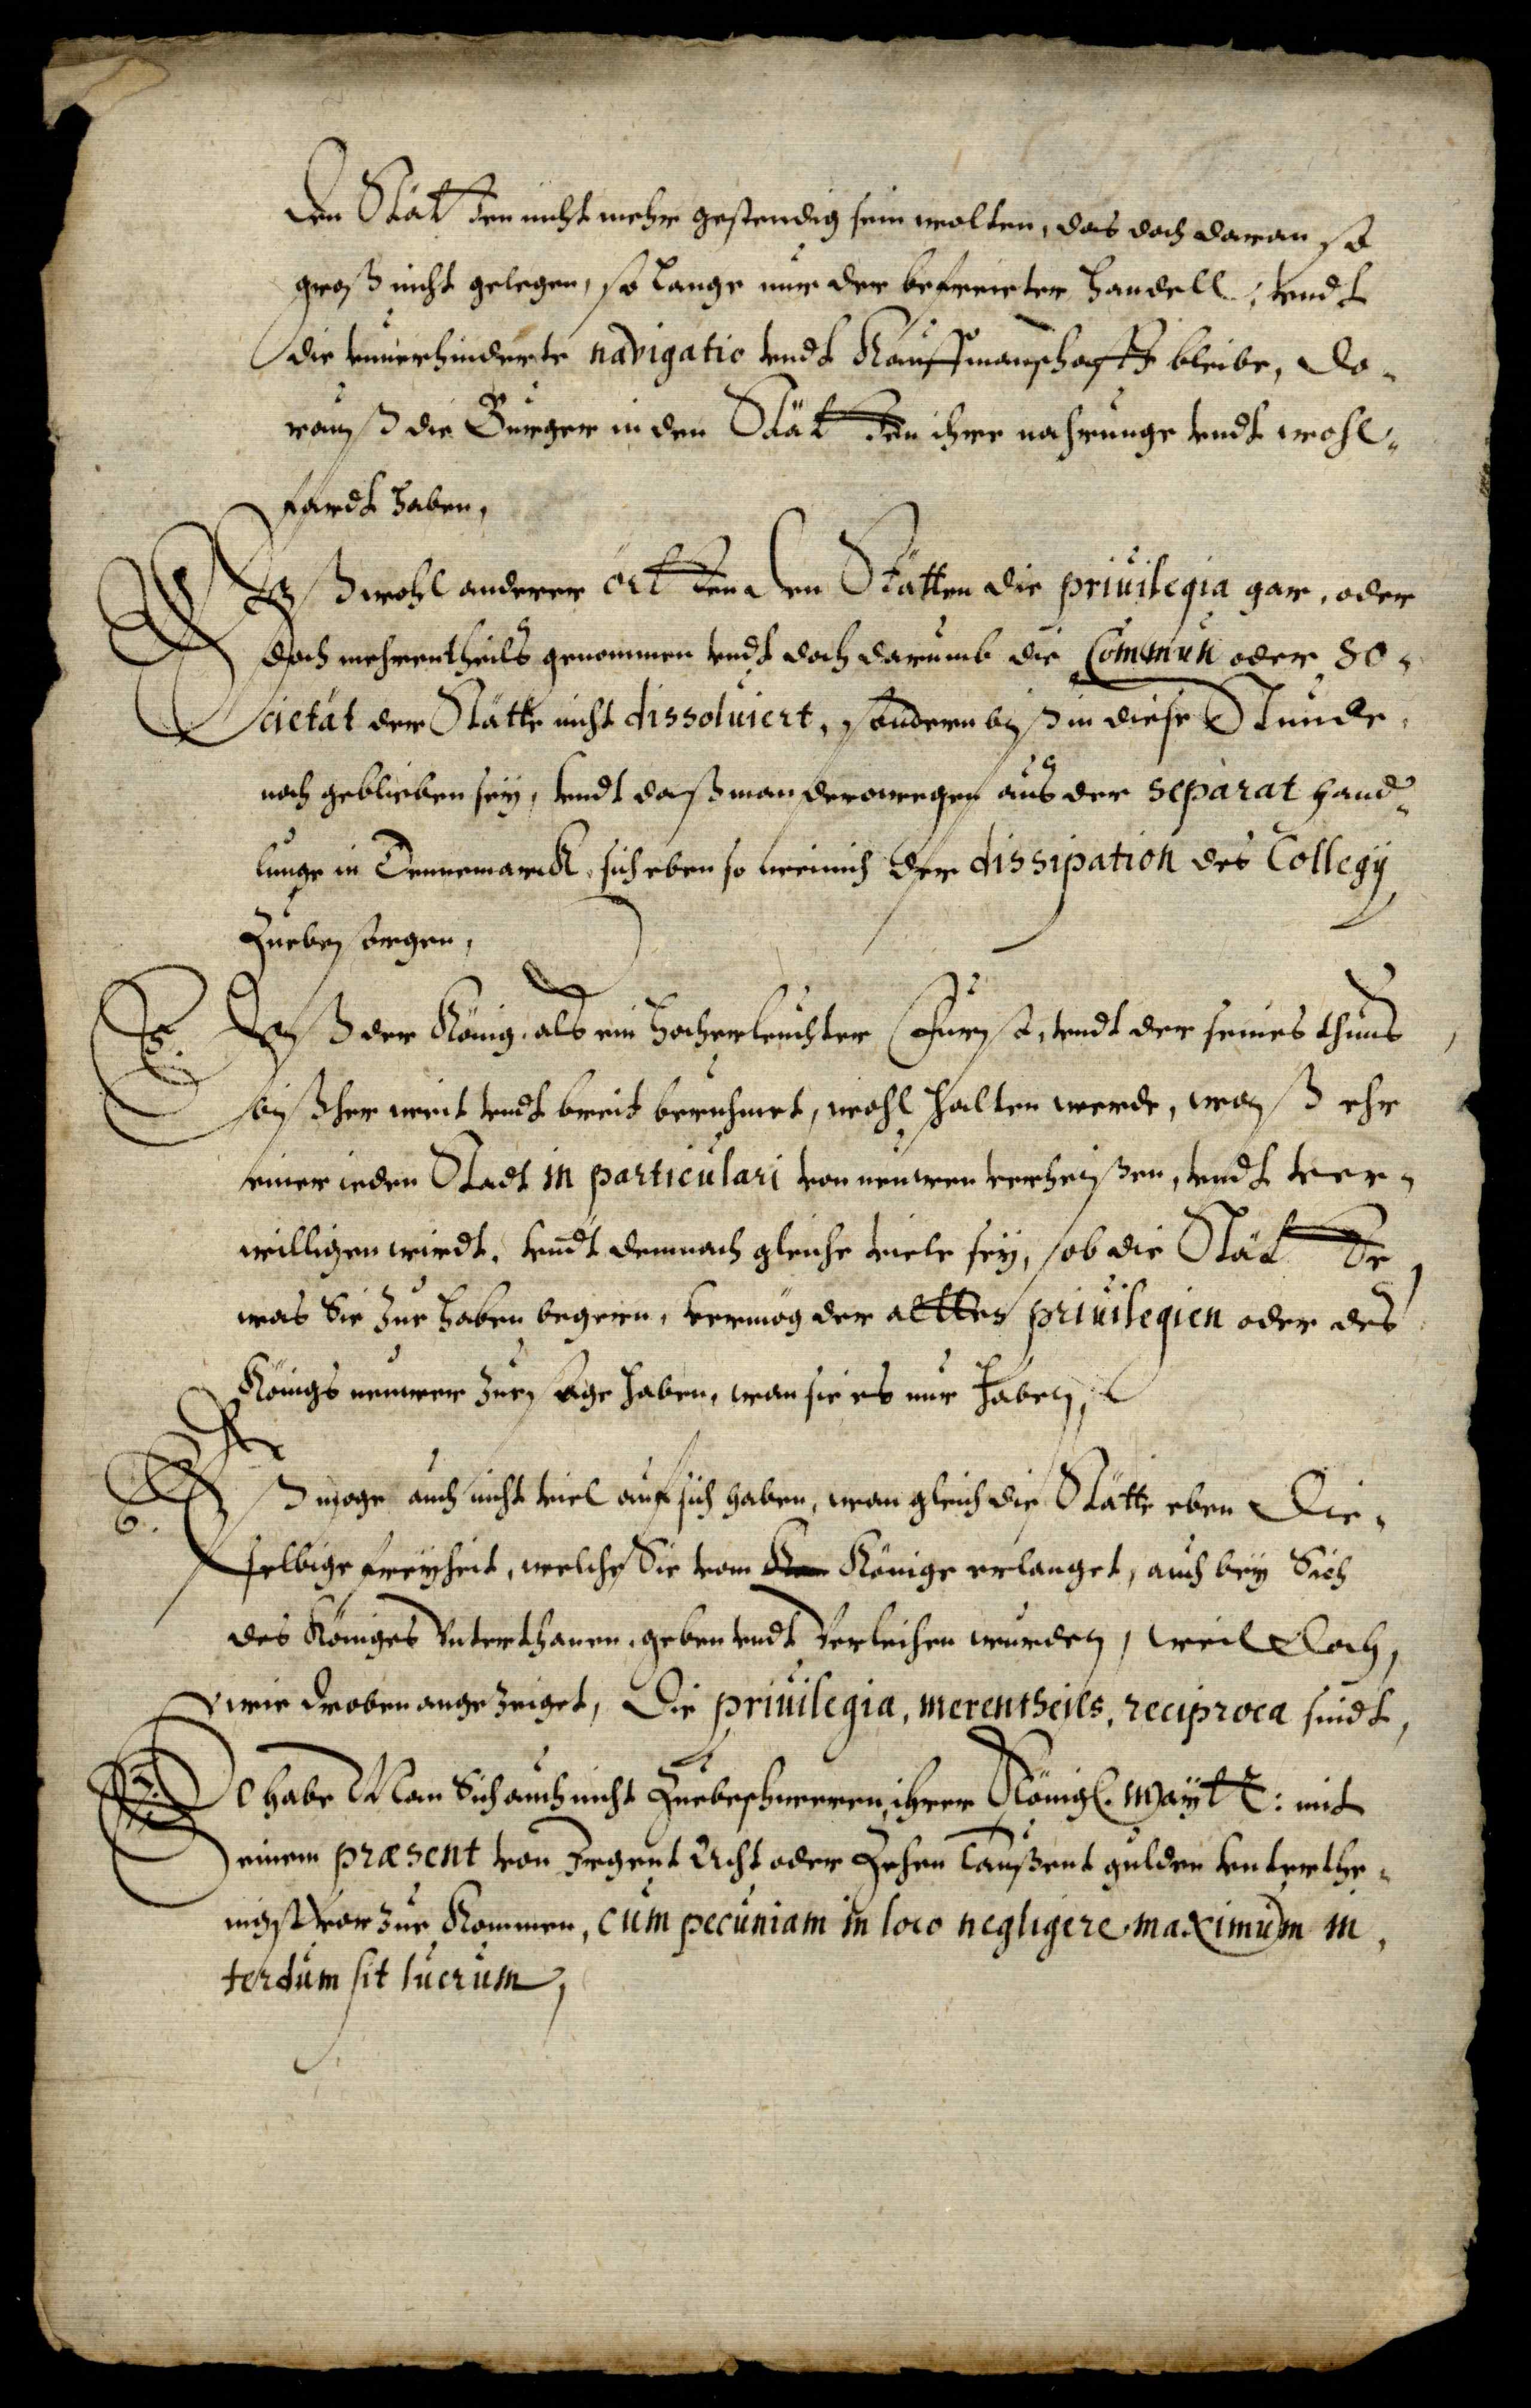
den Stätten nicht mehr gestendig sein wolten, das doch daran so
groß nicht gelegen, so lange nur der befreieter Handell, vndt
die vnuerhinderte navigatio vndt Kauffmanschafft bleibe, Do¬
rauß die Burger in den Stätten ihre nahrunge vndt wohl¬
fardt haben,
Daß wohl anderer ortten den Stätten die priuilegia gar, oder
doch mehrentheils genommen vndt doch darumb die Commun oder so¬
cietät der Stätte nicht dissoluiert, sondern biß in diese Stunde,
noch geblieben seij, vndt daß man derowegen aus der separat hand¬
lunge in Dennemarck, sich eben so weinich der dissipation des Collegij
Zuebesorgen,
Daß der König, als ein hocherleuchter Furst, vndt der seines thuns
bißher weit vndt breit beruhmet, wohl halten werde, waß ehr
einer ieden Stadt in particulari von neuwen verheißen, vndt ver¬
willigen wirdt, vndt demnach gleiche viele seij, ob die Stätte,
was Sie zue haben begern, vermög der altten priuilegien oder des
Königs neuwer Zuesage haben, wan sie es nur haben,
Eß moge auch nicht viel auf sich haben, wan gleich die Stätte eben Die¬
selbige freijheit, welche Sie vom Ken Könige erlanget, auch beij Sich
des Königes Vnterthanen, geben vndt Verleihen wurden, weil Doch,
wie droben angezeiget, Die priuilegia, merentheils, reciproca sindt,
So habe Man Sich auch nicht Zuebeschweren, ihrer Königl. Maijtt: mit
einem praesent von Irgent Acht oder Zehen Taußent gulden vnterthe¬
nigst vor zue Kommen, cum pecuniam in loco negligere maximum in¬
terdum sit lucrum,
5.
6.
7;
